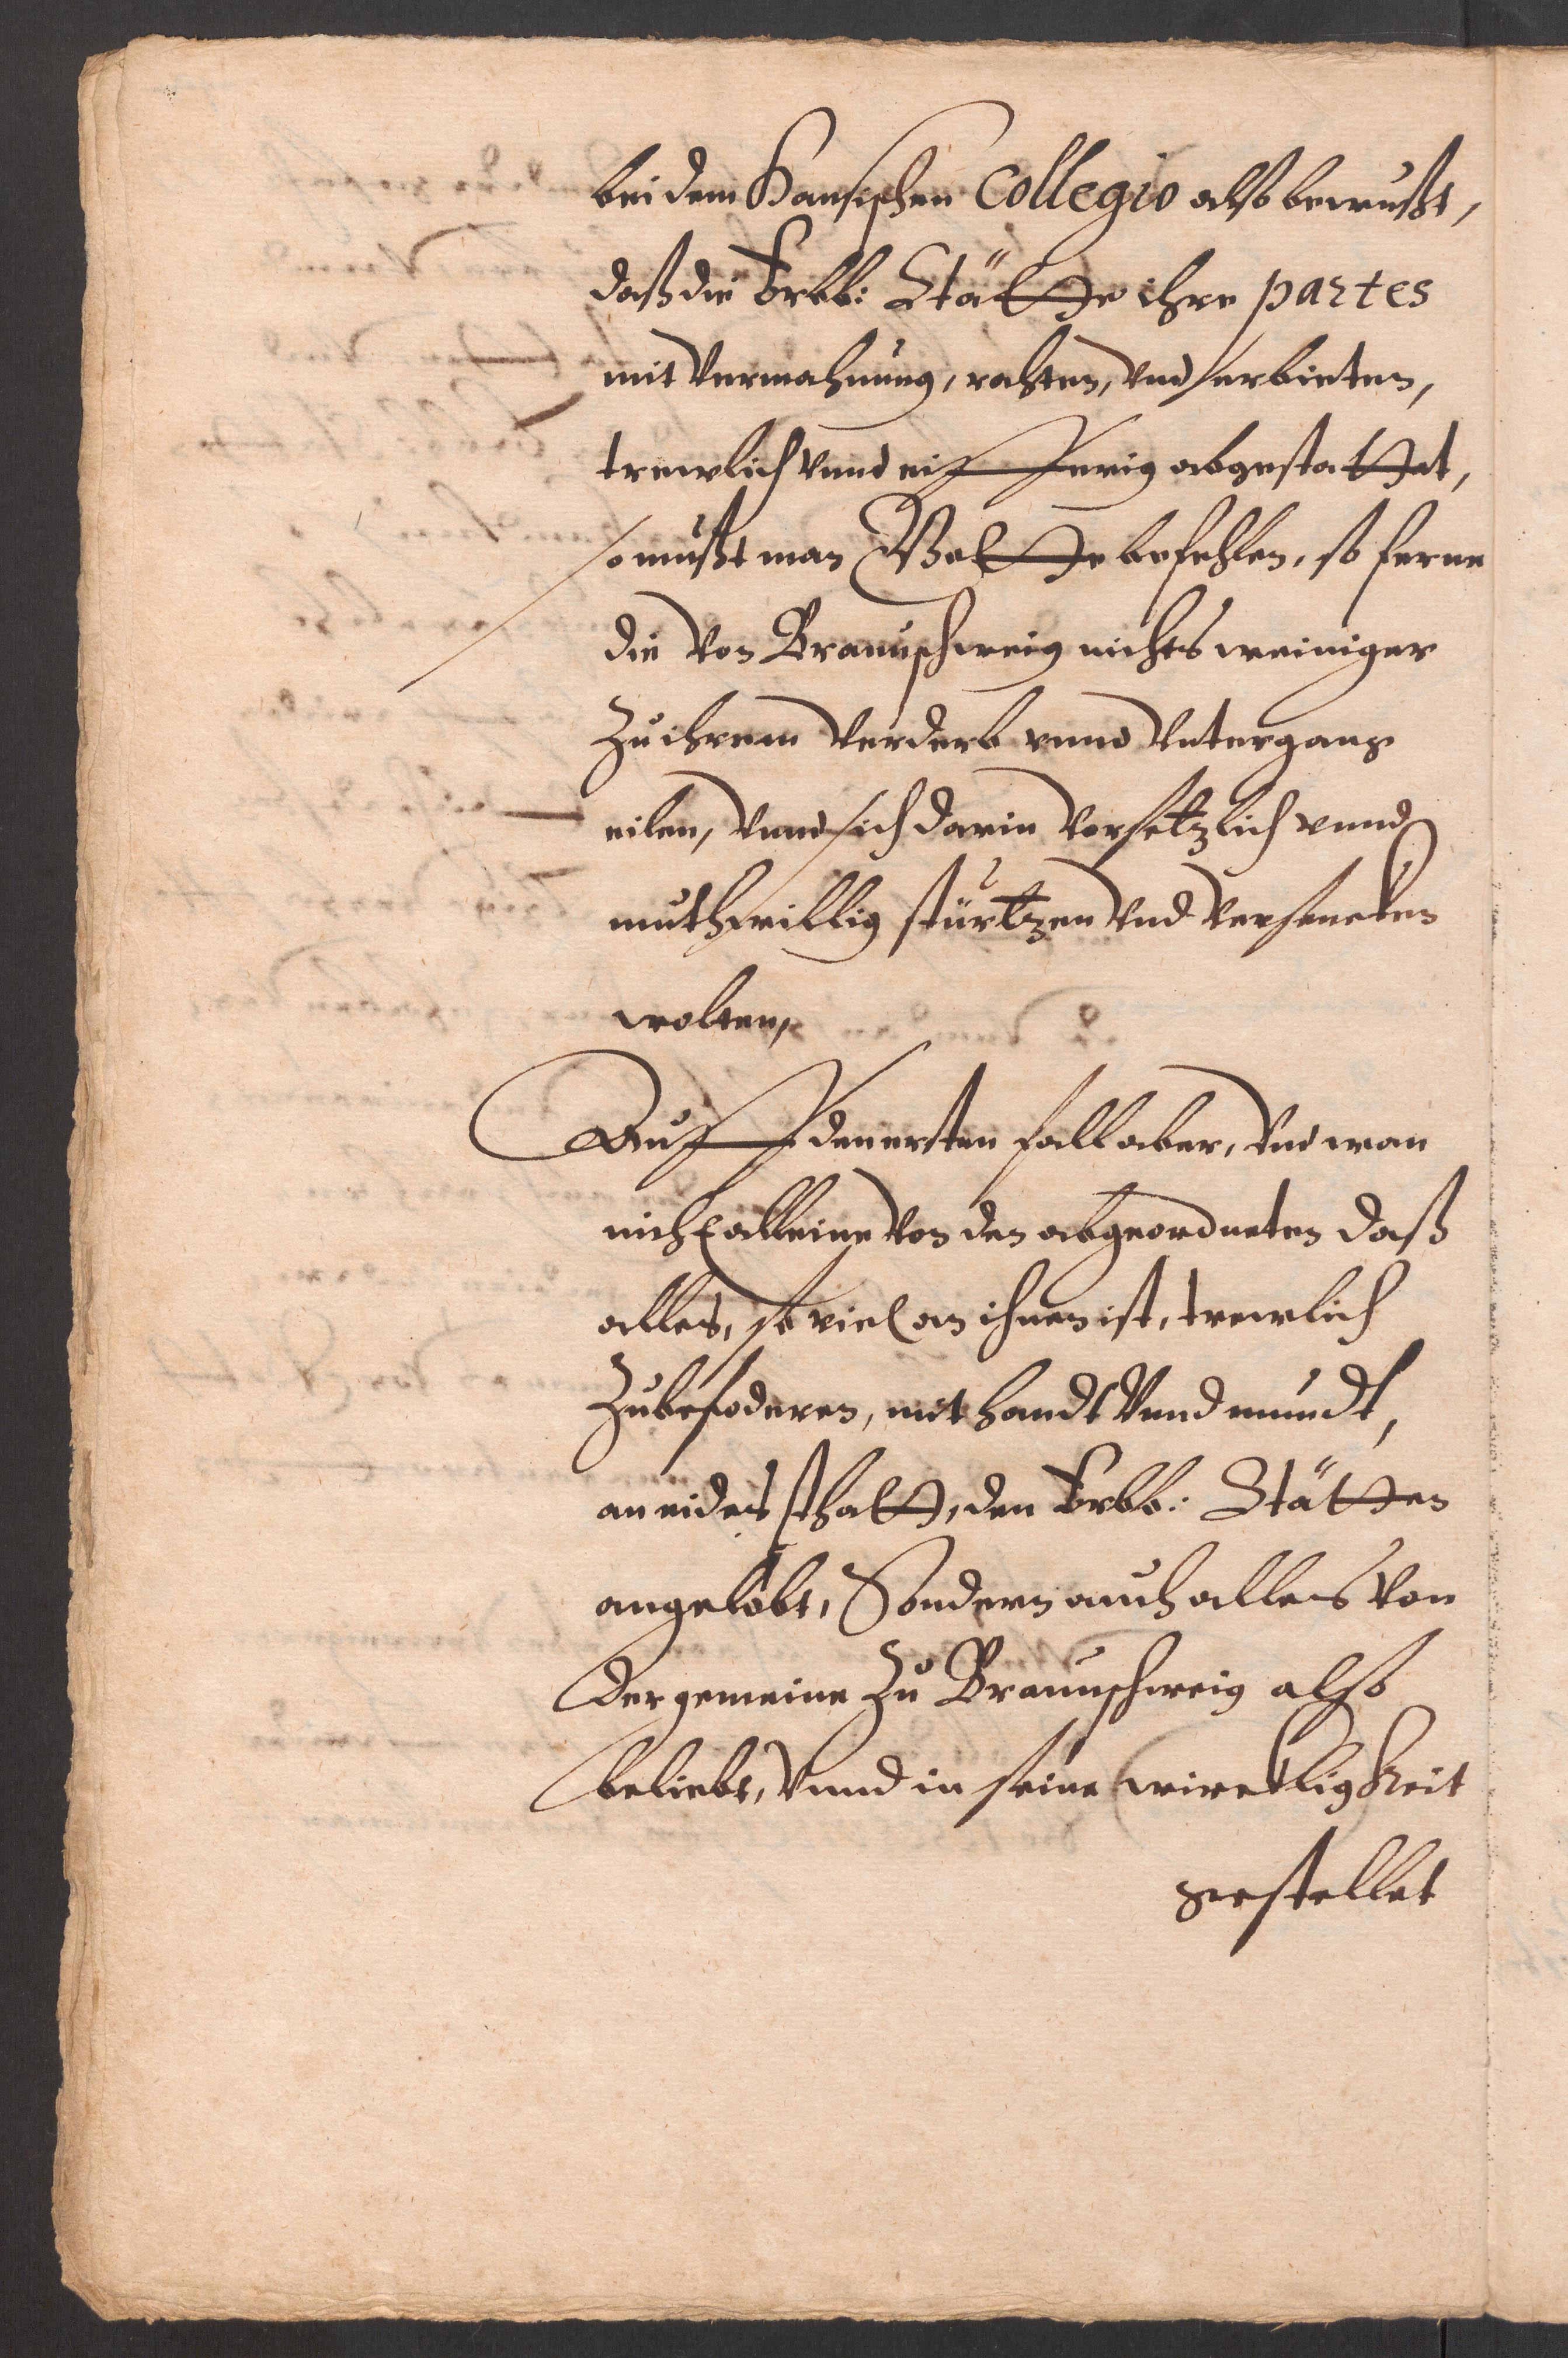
bei dem Hansischen Collegio also bewußt,
daß die Erbb: Stätte ihre partes
mit vermahnung, rahten, vnd erbieten,
trewlich vnnd eifferig abgestattet,
so mußt man Gotte befehlen, so ferne
die von Braunschweig nichts weiniger
zu ihren verderb vnnd vntergang
eilen, vnnd sich darin vorsetzlich vnnd
muthwillig stürtzen vnd versencken
wolten,
Auff den ersten fall aber, vnd wan
nicht alleine von den abgeordneten daß
alles, so viel an ihnen ist, trewlich
zubefoderen, mit handt vnd mundt,
an eides sthatt, den Erbb: Stätten
angelobt, Sondern auch alles von
der gemeine zu Braunschweig also
beliebt, vnnd in seine wirckligkeit
gestellet
